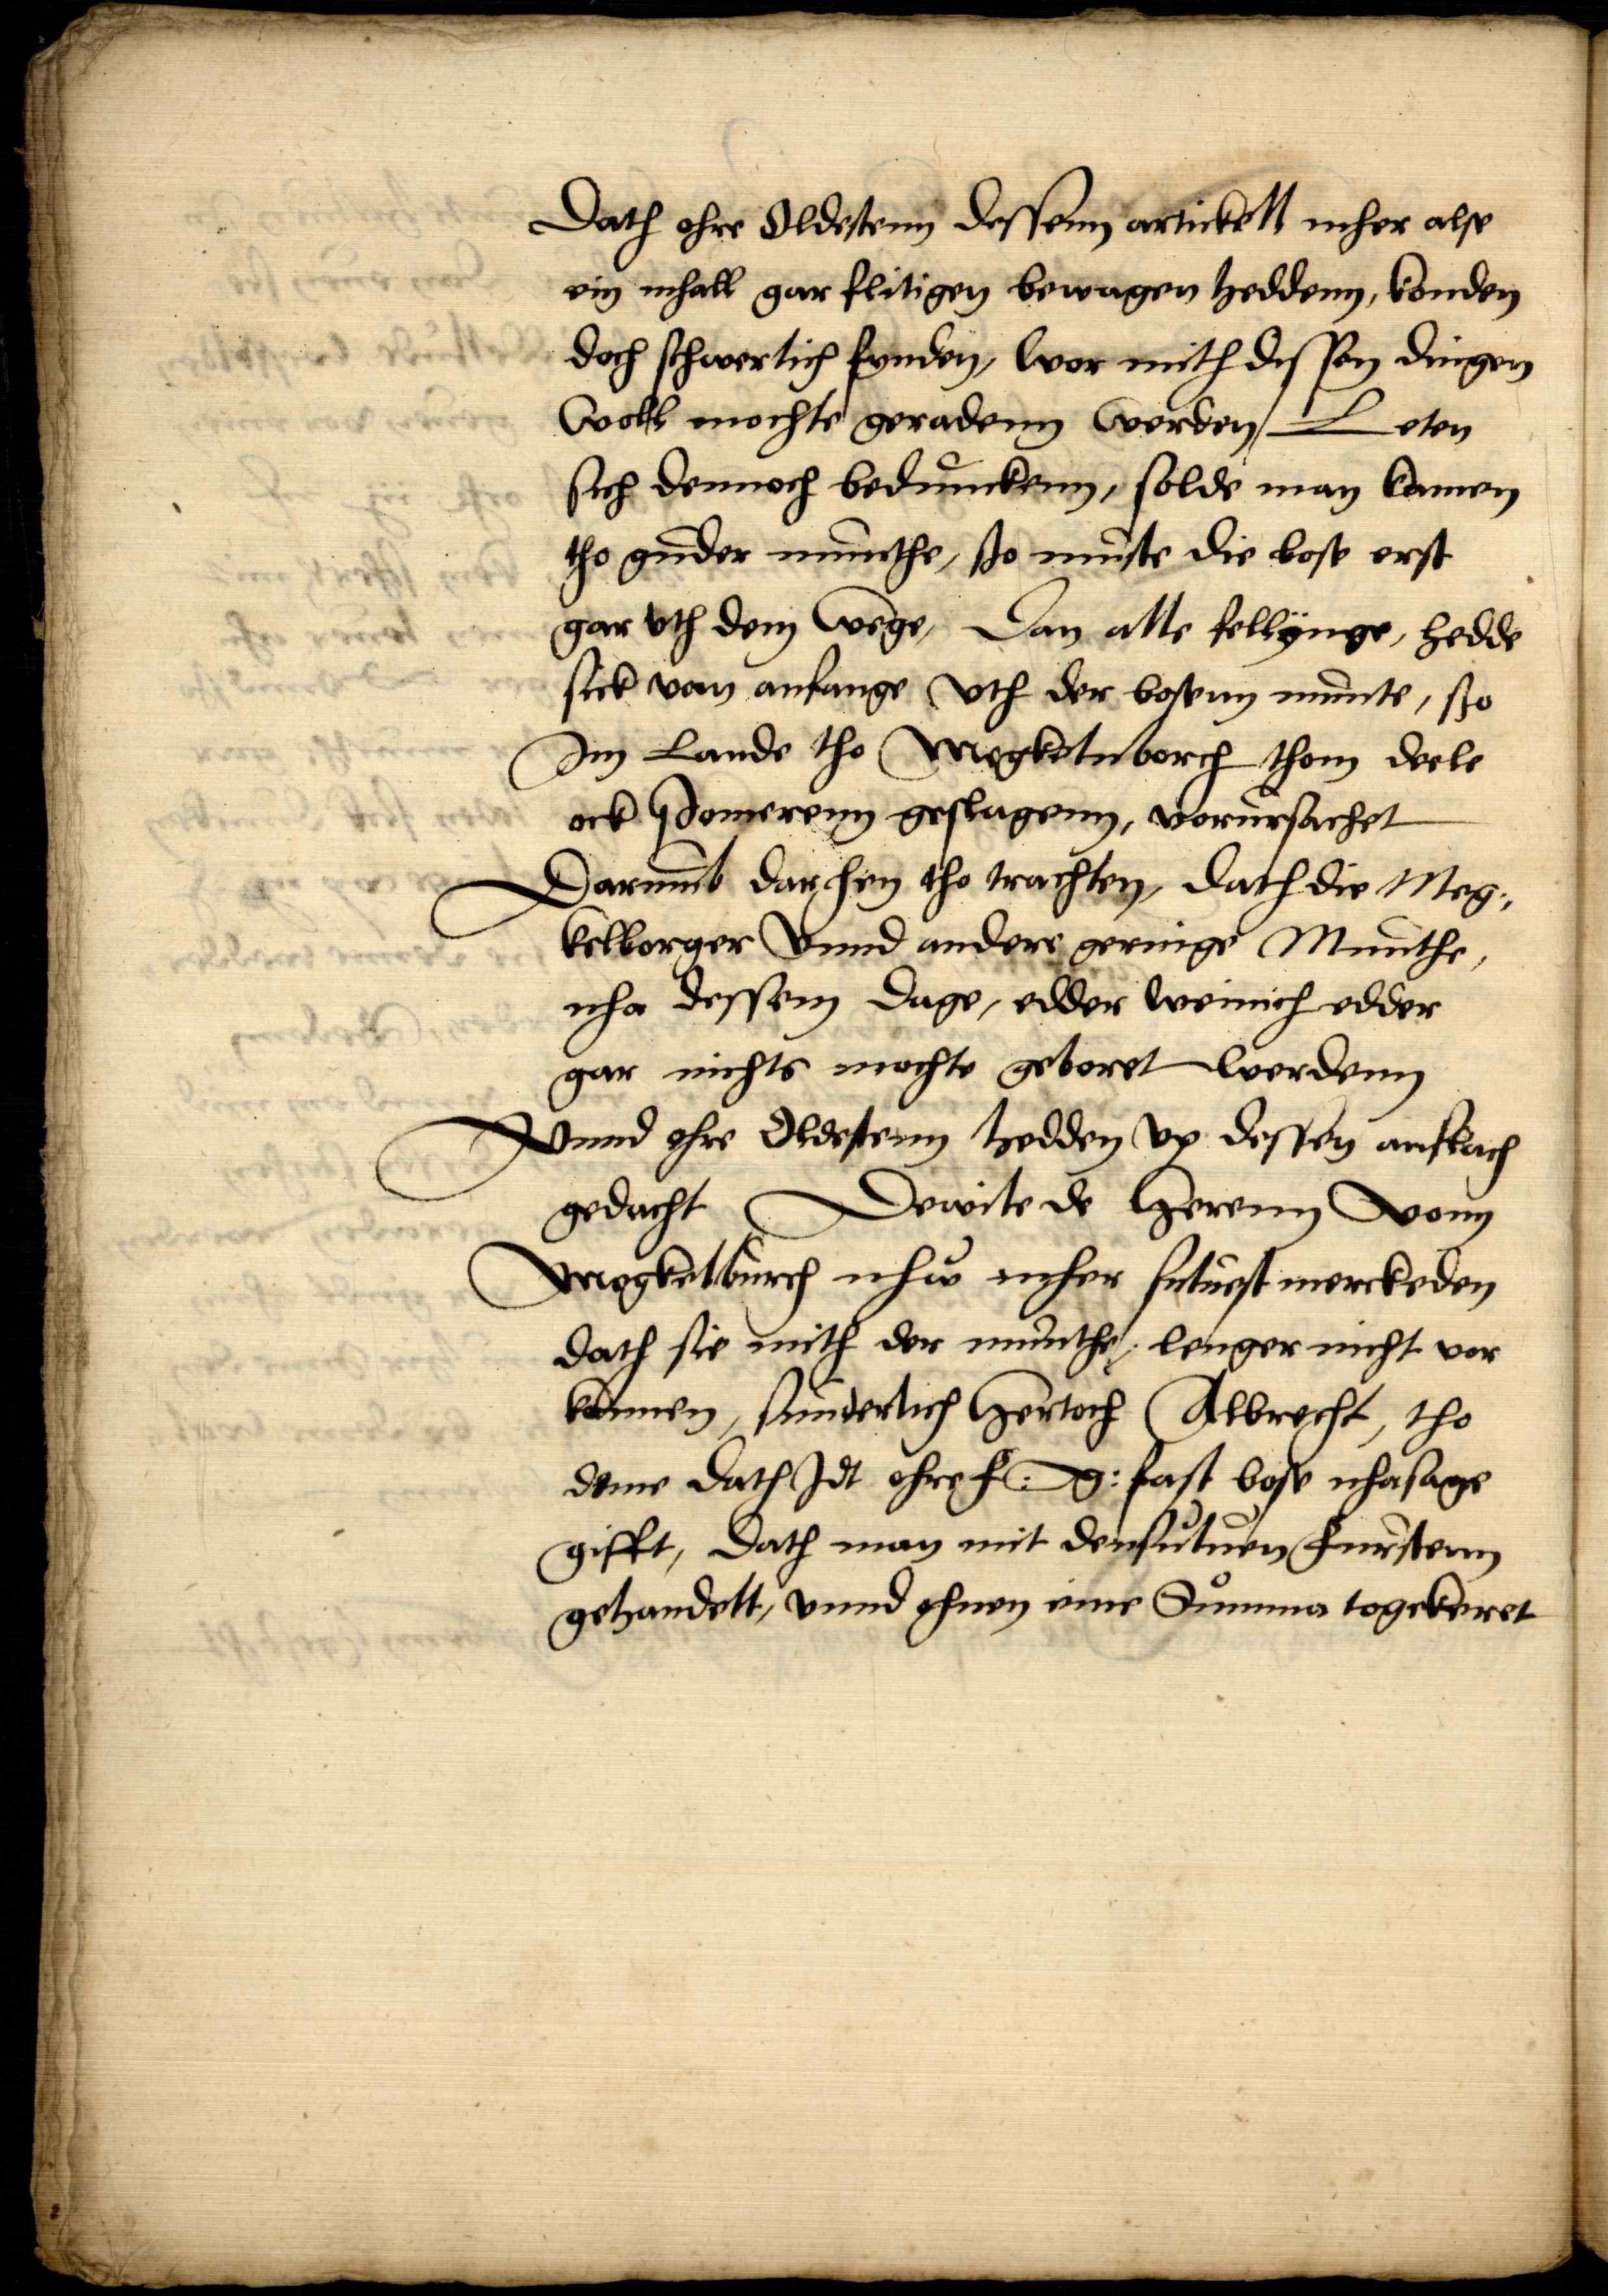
Dath ohre Oldestenn dessenn artickell mher alse
ein mhall gar flitigen bewagen heddenn, konden
doch schwerlich fynden, wor mith dissen dingen
woll mochte geradenn werden Leten
sech dennoch bedunckenn, solde man kamen
tho guder munthe, ßo muste die bose erst
gar vth dem wege, Dan alle fellijnge, hedde
sick van anfange vth der bosenn munte, ßo
Im Lande tho Megkelnborch thom deele
ock Pomerenn geslagenn, vorursachet
Darumb dar hen tho trachten, dath die Meg¬
kelborger vnnd andere geringe Munthe,
nha dessen dage, edder weinich edder
gar nichts mochte geboret werdenn
Vnnd ohre Oldestenn hedden vp dessen anslach
gedacht Dewile de Herenn vonn
Megkelburch nhw mher suluest merckeden
dath sie mith der munthe, lenger nicht vor
kommen, sunderlich Hertoch Albrecht, tho
denne dath Idt ohre F: g: fast bose nhasage
gifft, dath man mit densuluen Furstenn
gehandelt, vnnd ohnen eine Summa togekeret
